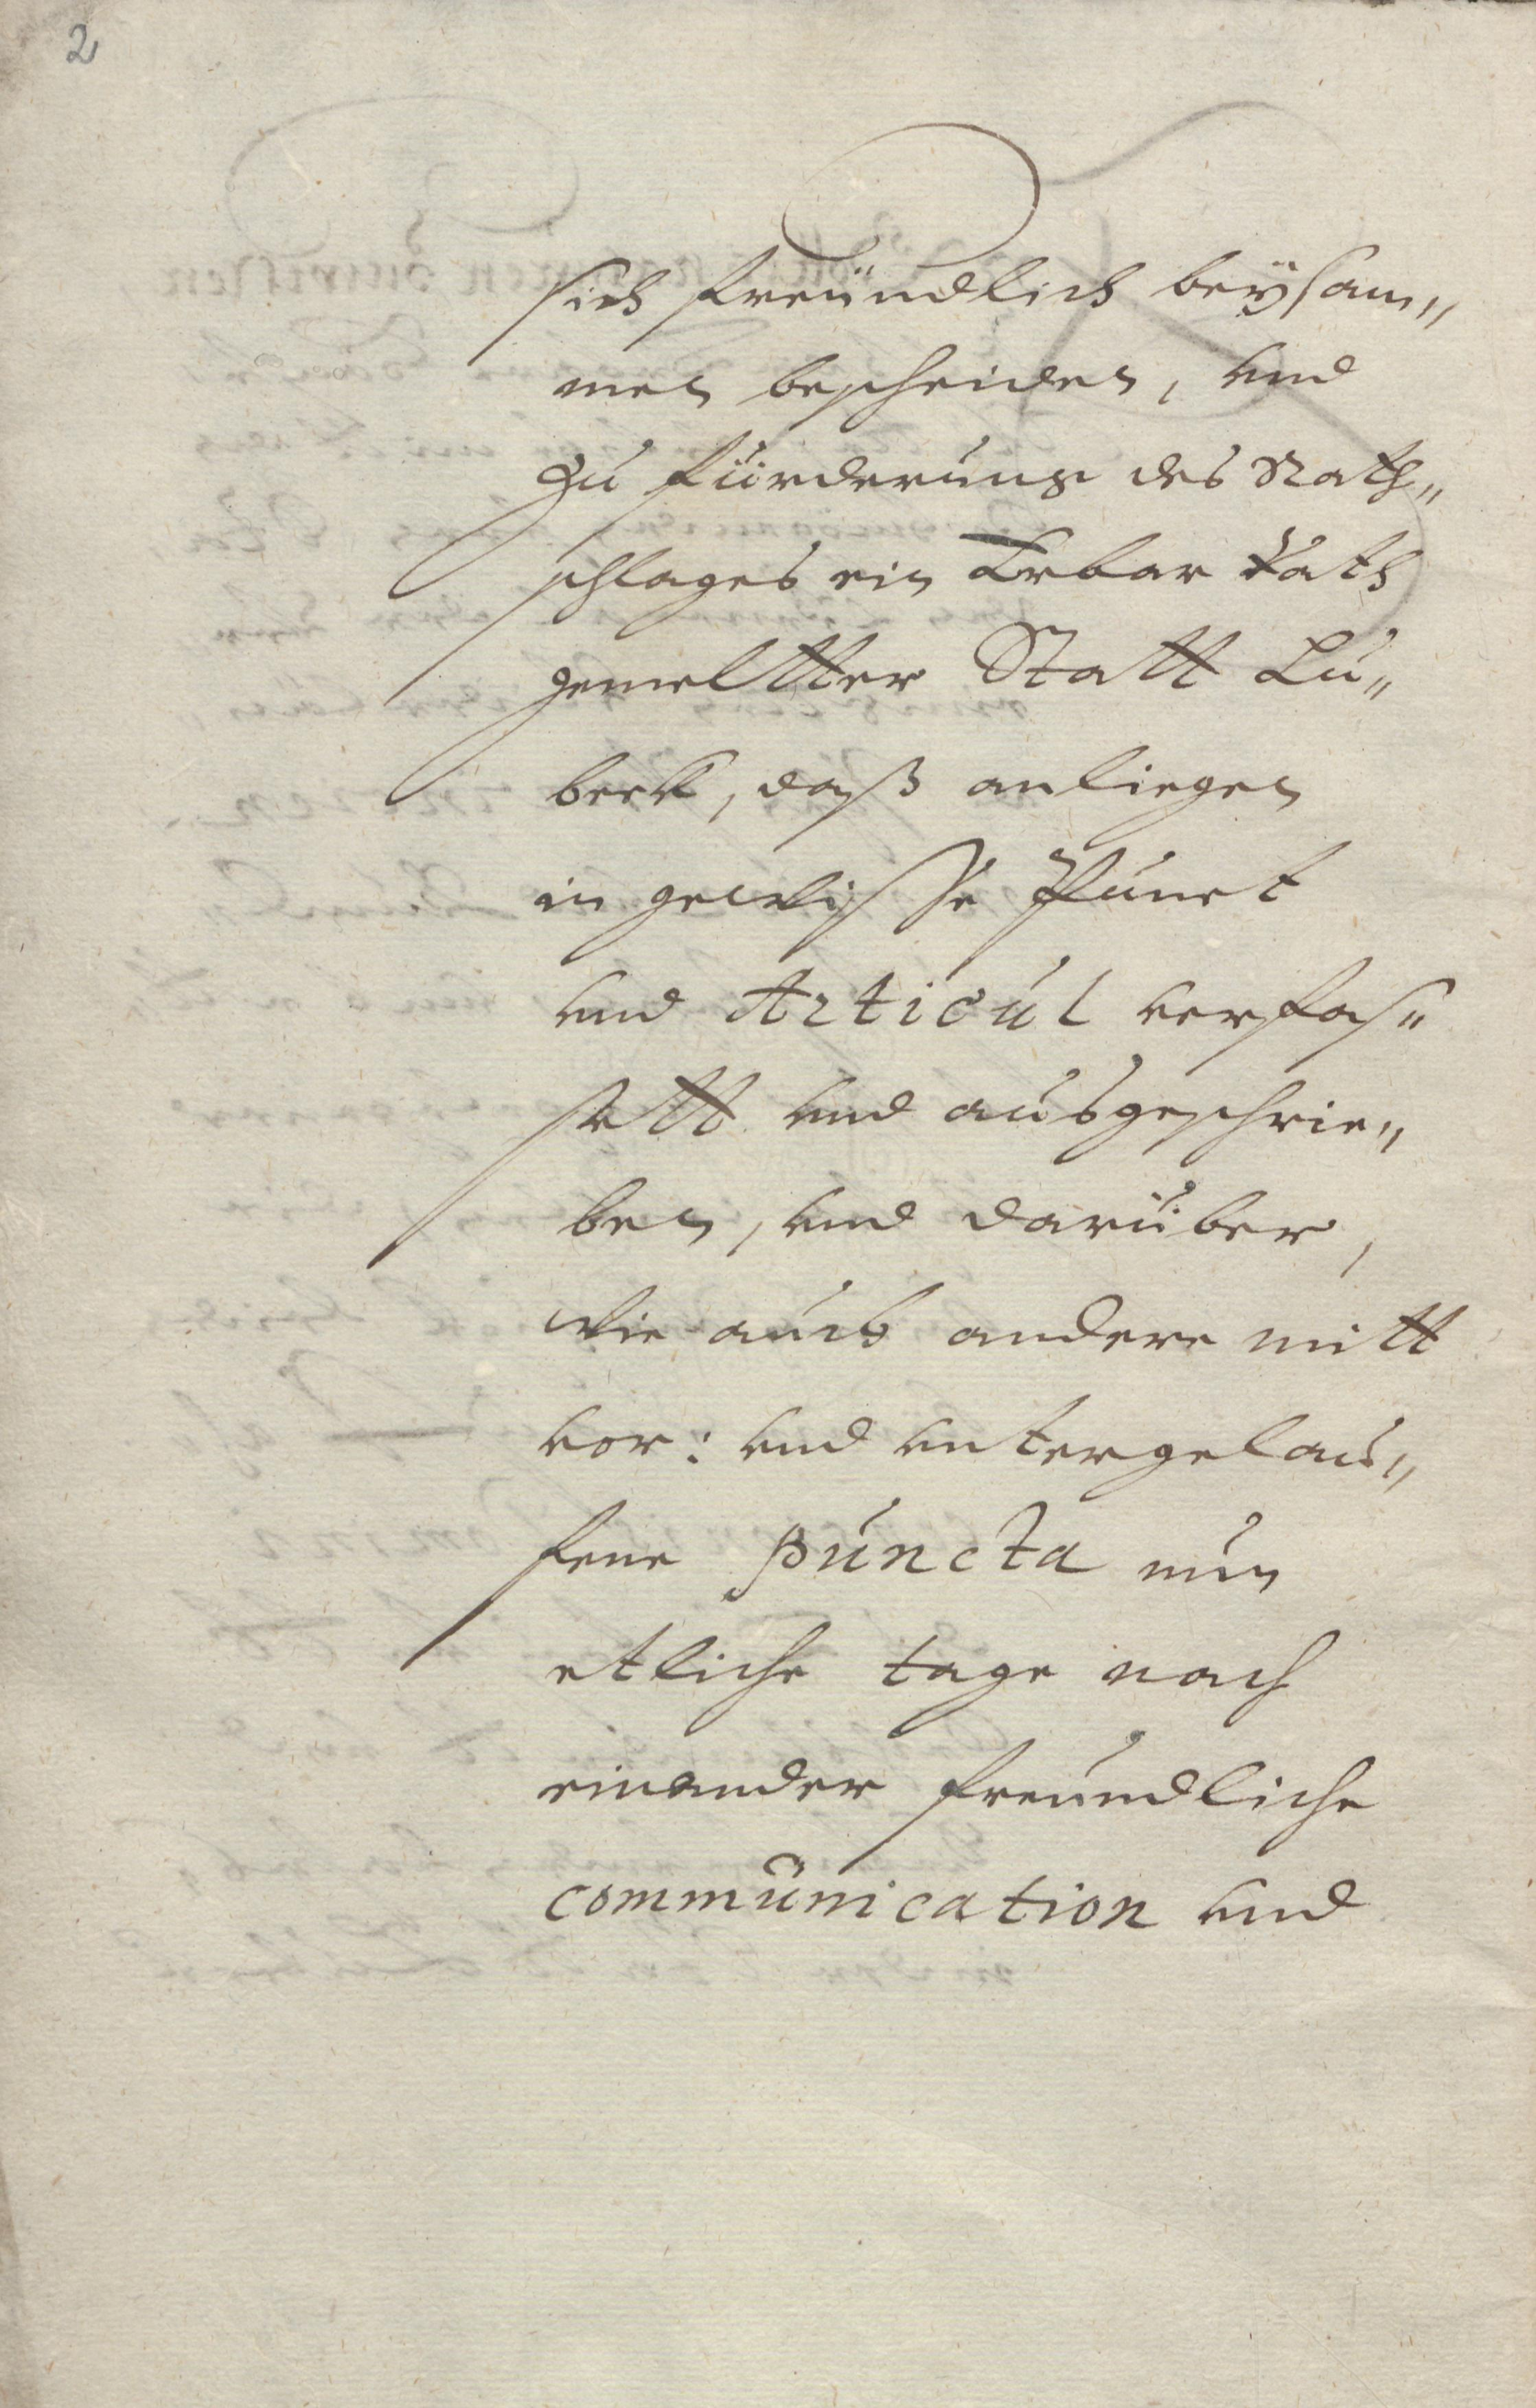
sich freundlich beijsam¬
men bescheiden, vnd
zu fürderung des Rath¬
schlages ein Erbar Rath-
gemeltter Statt Lu¬
beck, daß anliegen
in gewisse Punct
vnd Articul verfas¬
sett vnd ausgeschrie¬
ben, vnd darüber
wie auch andere mitt
vor: vnd vntergelau¬
fene puncta nun
etliche tage nach
einander freundliche
communication vnd
